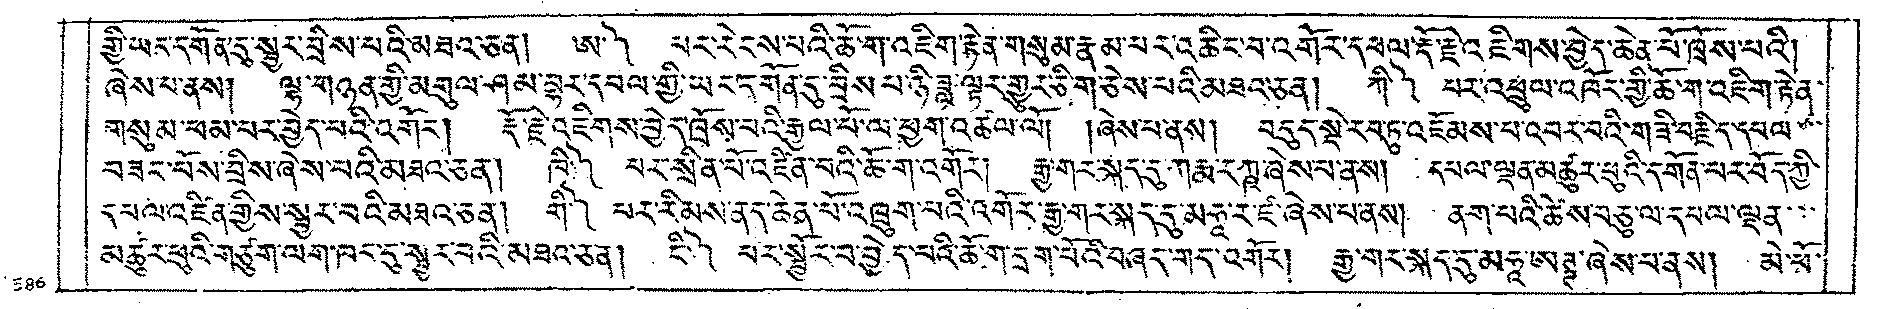གྱི་ཡང་དགོན་དུ་སྦྱར་བྲིས་པའི་མཐའ་ཅན། ཨ྄་པར་རེངས་པའི་ཆོ་ག་འཇིག་རྟེན་གསུམ་རྣམ་པར་འཆིང་བ་འགོར་དཔལ་རྡོ་རྗེ་འཇིགས་བྱེད་ཆེན་པོ་ཁྲོས་པའི།
ཞེས་པ་ནས། ལྷ་གཉན་གྱི་མགུལ་ཤམ་བྷར་དཔལ་གྱི་ཡང་དགོན་དུ་བྲིས་པ་ཉི་ཟླ་ལྟར་གྱུར་ཅིག་ཅེས་པའི་མཐའ་ཅན། ཀ྄ི་པར་འཕྲུལ་འཁོར་གྱི་ཆོ་ག་འཇིག་རྟེན་
གསུམ་ཕམ་པར་བྱེད་པའི་འགོར། རྡོ་རྗེ་འཇིགས་བྱེད་ཁྲོས་པའི་རྒྱལ་པོ་ལ་ཕྱག་འཚལ་ལོ། །ཞེས་པ་ནས། བདུད་སྡེ་རབ་ཏུ་འཇོམས་པ་འབར་བའི་གཟི་བརྗིད་དཔལ་
བཟང་པོས་བྲིས་ཞེས་པའི་མཐའ་ཅན། ཁ྄ི་པར་སྲིན་པོ་འཛིན་པའི་ཆོ་ག་འགོར། རྒྱ་གར་སྐད་དུ་ཀརྨ་རཀྵ་ཞེས་པ་ནས། དཔལ་ལྡན་མཚུར་ཕུའི་དགོན་པར་བོད་ཀྱི་
དཔལ་འཛིན་གྱིས་སྦྱར་བའི་མཐའ་ཅན། ག྄ི་པར་རིམས་ནད་ཆེན་པོ་འཁྲུག་པའི་འགོར་རྒྱ་གར་སྐད་དུ་མཧཱ་ར་ཛ་ཞེས་པ་ནས། ནག་པའི་ཚེས་བཅུ་ལ་དཔལ་ལྡན་
མཚུར་ཕུའི་གཙུག་ལག་ཁང་དུ་སྦྱར་བའི་མཐའ་ཅན། ང྄ི་པར་སྦྱོར་བ་བྱེད་པའི་ཆོ་ག་དྲག་པོའི་བཞད་གད་འགོར། རྒྱ་གར་སྐད་དུ་མཧཱ་ཨཊྚ་ཞེས་པ་ནས། མེ་ཕོ་